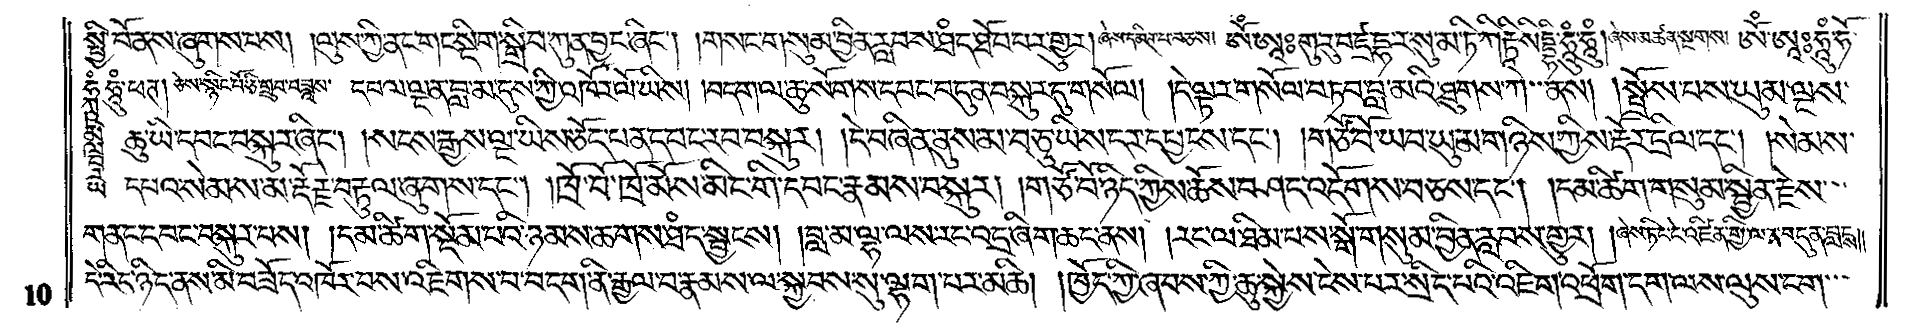སྤྱི་བོ་ནས་ཞུགས་པས། །ལུས་ཀྱི་ནང་གང་སྡིག་སྒྲིབ་ཀུན་བྱང་ཞིང་། །གསང་གསུམ་བྱིན་རླབས་ཐཾས་ཐོབ་པར་གྱུར། ཞེས་དམིགས་པ་བཅས།  ཨོཾ་ཨཱཿ གུ་རུ་བཛྲ་དྷ་ར་སུ་མ་ཏི་ཀིརྟཱི་སིདྡྷི་ཧཱུཾ་ཧཱུཾ། ཞེས་མཚན་སྔགས།  ཨོཾ་ཨཱཿ ཧཱུཾ་ཧོ་
ཧྐྵྨླྦྲྱཾ་ཧཱུཾ་ཕཊ། ཅེས་སྙིང་པོ་ཅི་གྲུབ་བཟླས་དཔལ་ལྡན་བླ་མ་དུས་ཀྱི་འཁོར་ལོ་ཡིས། །བདག་ལ་ཆུ་སོགས་དབང་བདུན་བསྐུར་དུ་གསོལ། །དེ་ལྟར་གསོལ་བཏབ་བླ་མའི་ཐུགས་ཀེ་ནས། །སྤྲོས་པས་ཡུམ་ལྔས་
ཆུ་ཡི་དབང་བསྐུར་ཞིང་། །སངས་རྒྱས་ལྔ་ཡིས་ཅོད་པན་དབང་རབ་བསྐུར། །དེ་བཞིན་ནུས་མ་བཅུ་ཡིས་དར་དབྱངས་དང་། །གཙོ་བོ་ཡབ་ཡུམ་གཉིས་ཀྱིས་རྡོར་དྲིལ་དང་། །སེམས་
དཔའ་སེམས་མ་རྡོ་རྗེ་བརྟུལ་ཞུགས་དང་། །ཁྲོ་བོ་ཁྲོ་མོས་མིང་གི་དབང་རྣམས་བསྐུར། །གཙོ་བོ་ཉིད་ཀྱིས་ཆོས་བཤད་འདོགས་བཅས་དང་། །དམ་ཚིག་གསུམ་སྦྱིན་རྗེས་
གནང་དབང་བསྐུར་པས། །དམ་ཚིག་སྡོམ་པའི་ཉམས་ཆགས་ཐཾས་སྦྱངས། །བླ་མ་ལྷ་ལས་རང་འདྲ་ཞིག་ཆང་ནས། །རང་ལ་ཐིམ་པས་སྒོ་གསུམ་བྱིན་རླབས་གྱུར། །ཞེས་ཏིང་ངེ་འཛིན་གྱི་ལན་བདུན་བླངས།།
དེ་རིང་ཉིད་ནས་མི་བཟོད་འཁོར་བས་འཇིགས་པ་བདག་ནི་རྒྱལ་བ་རྣམས་ལ་སྐྱབས་སུ་ལྷག་པར་མཆི། །ཁྱོད་ཀྱི་ཞབས་ཀྱི་ཆུ་སྐྱེས་ངེས་པར་སྲིད་པའི་འཇིག་འཕྲོག་དག་ལས་ལུས་ངག་